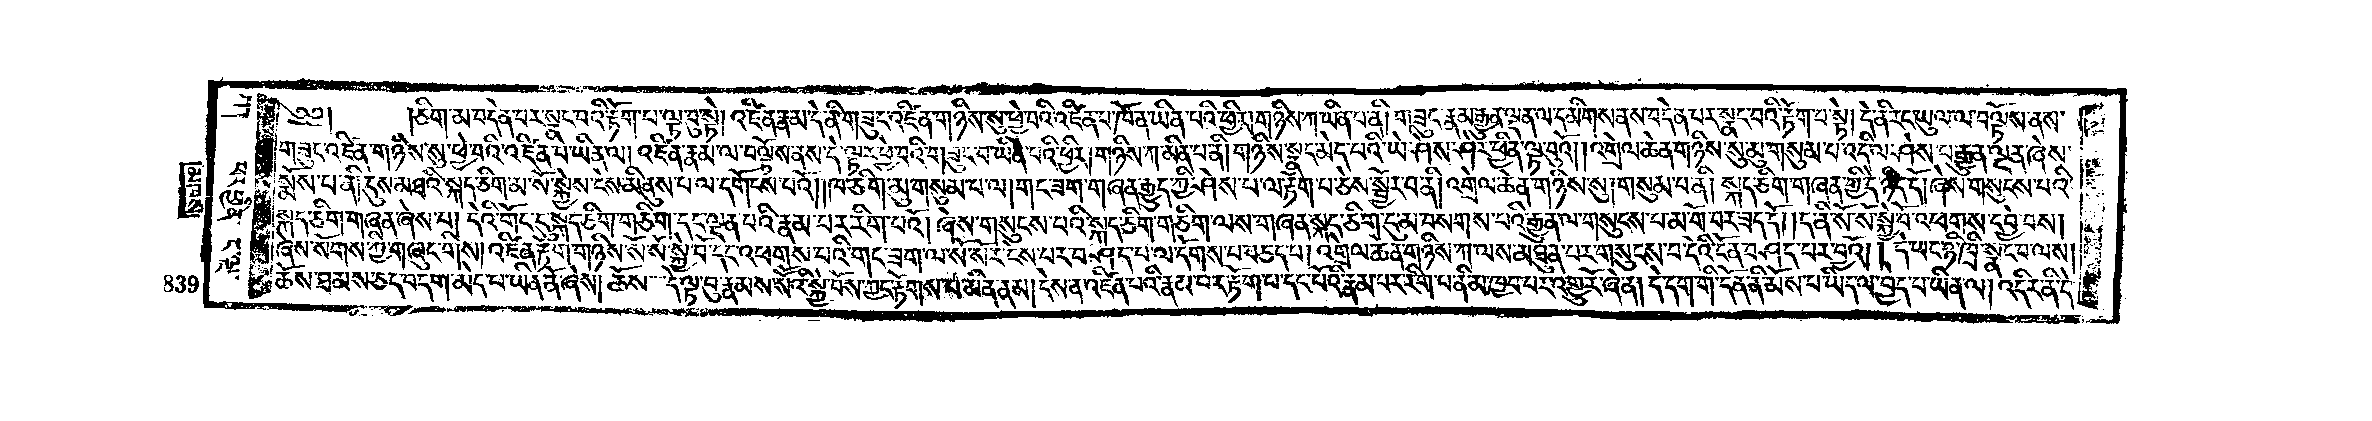༄༅། །ཅིག་མ་བདེན་པར་སྣང་བའི་རྟོག་པ་ལྟ་བུ་སྟེ། འཛིན་རྣམ་དེ་ནི་གཟུང་འཛིན་གཉིས་སུ་ཕྱེ་བའི་འཛིན་པ་ཁོ་ན་ཡིན་པའི་ཕྱིར། གཉིས་ཀ་ཡིན་པ་ནི། གཟུང་རྣམ་རྒྱུན་ལྡན་ལ་དམིགས་ནས་བདེན་པར་སྣང་བའི་རྟོག་པ་སྟེ། དེ་ནི་རང་ཡུལ་ལ་བལྟོས་ནས་
གཟུང་འཛིན་གཉིས་སུ་ཕྱེ་བའི་འཛིན་པ་ཡིན་ལ། འཛིན་རྣམ་ལ་བལྟོས་ནས་དེ་ལྟར་ཕྱེ་བའི་གཟུང་བ་ཡིན་པའི་ཕྱིར། གཉིས་ཀ་མིན་པ་ནི། གཉིས་སྣང་མེད་པའི་ཡེ་ཤེས་ཤེར་ཕྱིན་ལྟ་བུའོ། །འགྲེལ་ཆེན་གཉིས་སུ་མུ་གསུམ་པ་འདི་ལ་ཤེས་པ་རྒྱུན་ལྡན་ཞེས་
སྨོས་པ་ནི། དུས་མཐའི་སྐད་ཅིག་མ་སོ་སྐྱེས་ངེས་མི་ནུས་པ་ལ་དགོངས་པའོ། །ཁ་ཅིག་མུ་གསུམ་པ་ལ། གང་ཟག་གཞན་རྒྱུད་ཀྱི་ཤེས་པ་ལ་རྟོག་པ་ཅེས་སྦྱོར་བ་ནི། འགྲེལ་ཆེན་གཉིས་སུ། གསུམ་པ་ནི། སྐད་ཅིག་གཞན་གྱི་དེ་ཉིད་དོ། ཞེས་གསུངས་པའི་
སྐད་ཅིག་གཞན་ཞེས་པ། དེའི་གོང་དུ་སྐད་ཅིག་གཅིག་དང་ལྡན་པའི་རྣམ་པར་རིག་པའོ། ཞེས་གསུངས་པའི་སྐད་ཅིག་གཅིག་ལས་གཞན་སྐད་ཅིག་དུ་མ་བསགས་པའི་རྒྱུན་ལ་གསུངས་པ་མ་གོ་བར་ཟད་དོ། །དེ་ནི་སོ་སོ་སྐྱེ་བོ་འཕགས་དབྱེ་བས།
ཞེས་སོགས་ཀྱི་གཞུང་གིས། འཛིན་རྟོག་གཉིས་སོ་སོ་སྐྱེ་བོ་དང་འཕགས་པའི་གང་ཟག་ལ་སོ་སོར་ངེས་པར་བཤད་པ་ལ་དོགས་པ་བཅད་པ། འགྲེལ་ཆེན་གཉིས་ཀ་ལས་མཐུན་པར་གསུངས་པ་དེའི་དོན་བཤད་པར་བྱའོ། །དེ་ཡང་ཉི་ཁྲི་སྣང་བ་ལས།
ཆོས་ཐམས་ཅད་བདག་མེད་པ་ཡིན་ནོ་ཞེས། ཆོས་དེ་ལྟ་བུ་རྣམས་སོ་སོའི་སྐྱེ་བོས་ཀྱང་རྟོགས་པ་མིན་ནམ། དེས་ན་འཛིན་པའི་རྣམ་པར་རྟོག་པ་དང་པོའི་རྣམ་པར་རིག་པ་ནི་མ་ཁྱབ་པར་འགྱུར་རོ་ཞེ་ན། དེ་དག་གི་དོན་ནི་མོས་པ་ཡིད་ལ་བྱེད་པ་ཡིན་ལ། འདིར་ནི་དེ་